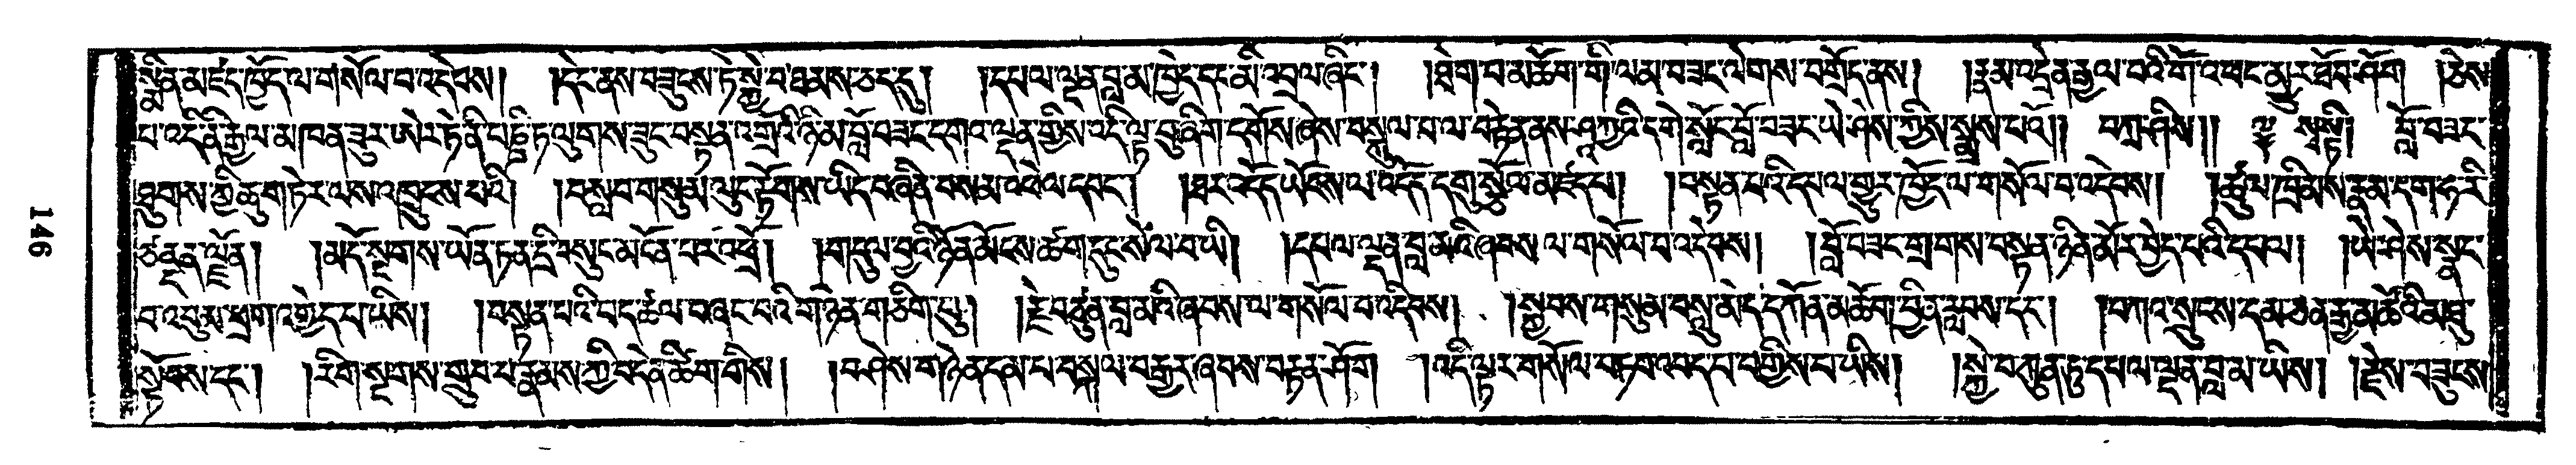སྨིན་མཛད་ཁྱོད་ལ་གསོལ་བ་འདེབས། །དེང་ནས་བཟུངས་ཏེ་སྐྱེ་བ་ཐམས་ཅད་དུ། །དཔལ་ལྡན་བླ་མ་ཁྱེད་དང་མི་འབྲལ་ཞིང་། །ཐེག་པ་མཆོག་གི་ལམ་བཟང་ལེགས་བགྲོད་ནས། །རྣམ་འདྲེན་རྒྱལ་བའི་གོ་འཕང་མྱུར་ཐོབ་ཤོག །ཅེས་
པ་འདི་ནི་རྒྱལ་མཁན་ཟུར་ཨེར་ཏེ་ནི་པཎྜི་ཏ་ལུགས་ཟུང་བསྟན་འགྲོའི་ཉི་མ་བློ་བཟང་དགའ་ལྡན་གྱིས་འདི་ལྟ་བུ་ཞིག་དགོས་ཞེས་བསྐུལ་བ་ལ་བརྟེན་ནས་ཤཱཀྱའི་དགེ་སློང་བློ་བཟང་ཡེ་ཤེས་ཀྱིས་སྨྲས་པའོ།། བཀྲ་ཤིས།། ༈ སྭསྟི། བློ་བཟང་
ཐུགས་ཀྱི་ཆུ་གཏེར་ལས་འཁྲུངས་པའི། །བསླབ་གསུམ་ལུང་རྟོགས་ཡིད་བཞིན་བསམ་འཕེལ་དབང་། །ཐར་འདོད་ཡོངས་ལ་འདོད་དགུ་སྩོལ་མཛད་པ། །བསྟན་པའི་དཔལ་གྱུར་ཁྱོད་ལ་གསོལ་བ་འདེབས། །ཚུལ་ཁྲིམས་རྣམ་དག་ཧ་རི་
ཙནྡན་ལྗོན། །མདོ་སྔགས་ཡོན་ཏན་དྲི་བསུང་མངོན་པར་འཕྲོ། །གདུལ་བྱའི་ཉོན་མོངས་ཚག་དུང་སེལ་བ་ཡི། །དཔལ་ལྡན་བླ་མའི་ཞབས་ལ་གསོལ་བ་འདེབས། །བློ་བཟང་གྲགས་བསྟན་ཉིན་མོར་བྱེད་པའི་དཔལ། །ཡེ་ཤེས་སྣང་
བ་འབུམ་ཕྲག་འགྱེད་པ་ཡིས། །བསྟན་པའི་པད་ཚལ་བཞང་བའི་གཉེན་གཅིག་པུ། །རྗེ་བཙུན་བླ་མའི་ཞབས་ལ་གསོལ་བ་འདེབས། །སྐྱབས་གསུམ་བསླུ་མེད་དཀོན་མཆོག་བྱིན་རླབས་དང་། །བཀའ་སྲུངས་དམ་ཅན་རྒྱ་མཚོའི་མཐུ་
སྟོབས་དང་། །རིག་སྔགས་གྲུབ་པ་རྣམས་ཀྱི་བདེན་ཚིག་གིས། །བཤེས་གཉེན་དམ་པ་བསྐལ་བརྒྱར་ཞབས་བརྟན་ཤོག །འདི་ལྟར་གསོལ་བཏབ་འབད་པ་བགྱིས་པ་ཡིས། །སྐྱེ་བ་ཀུན་ཏུ་དཔལ་ལྡན་བླ་མ་ཡིས། །རྗེས་བཟུངས་